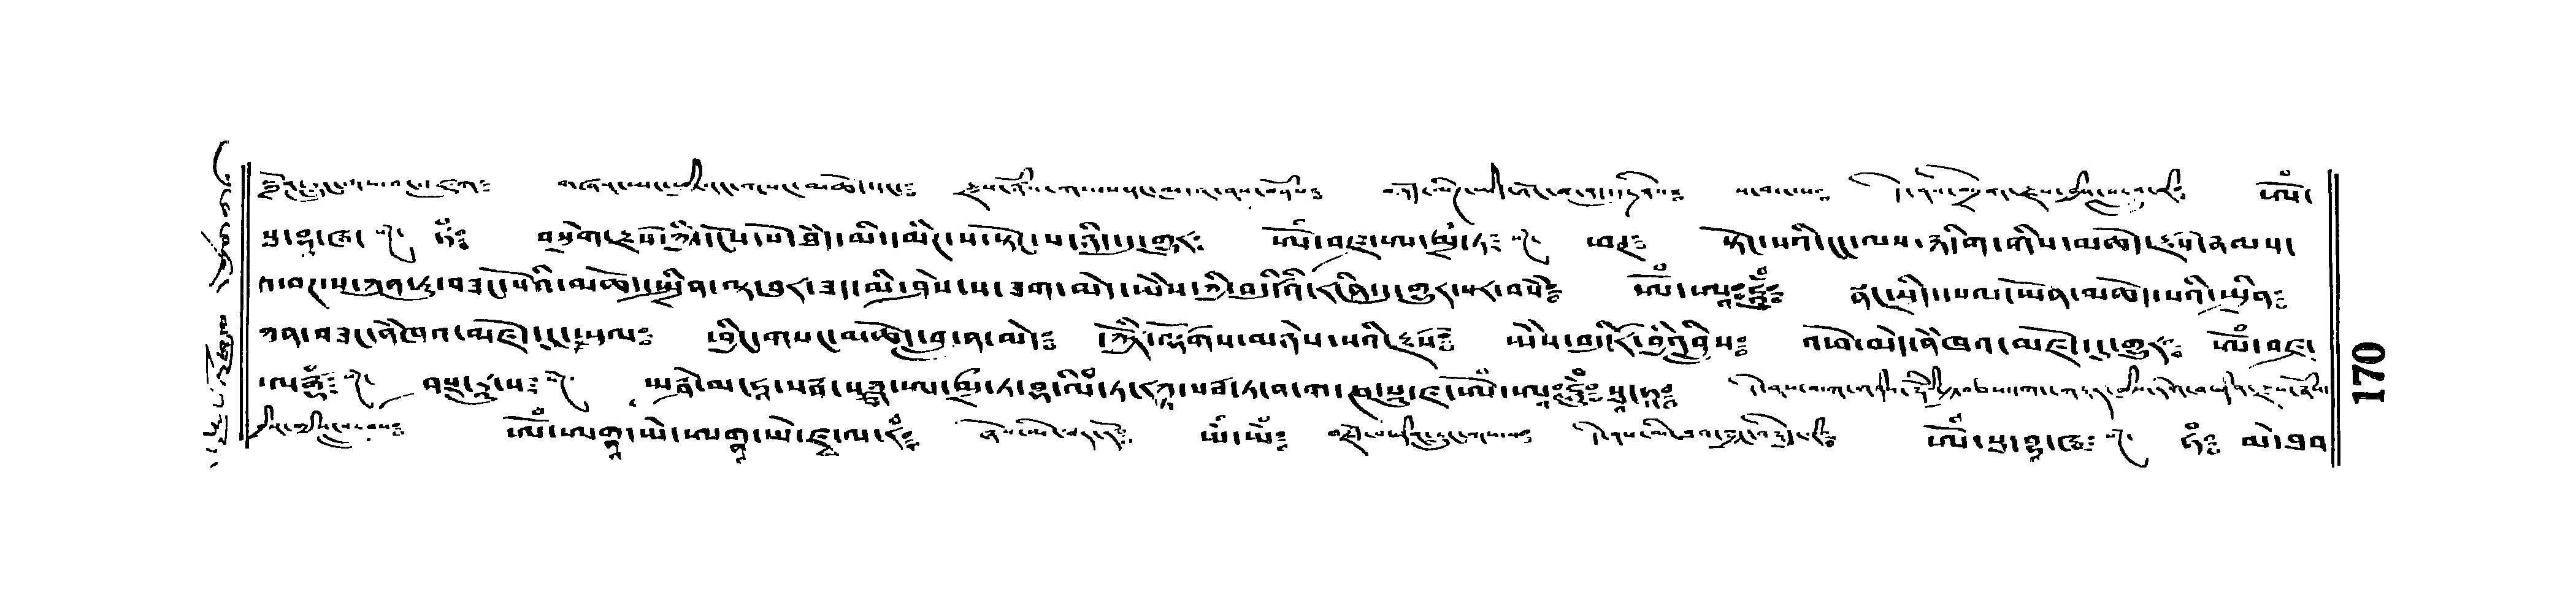སྒྲོན་རླུང་གཡབ་འཛུག༔ གཞན་ཡང་ཕྱི་ནང་གསང་མཆོད་དང༔ རྫས་རྣམས་གཡས་དང་མདུན་ནས་བཤམས༔ བཀོད་ལེགས་ཡིད་འོང་གནད་དུ་ཤེས༔ ས་མ་ཡ༔ དེ་ནས་བསྲེག་རྫས་བྱིན་བརླབ་ནི༔ ཨོཾ་
སྭ་བྷཱ་ཝ་སོགས༔ ཧཾཿ བསྲེག་རྫས་ཀྱི་དངོས་པོ་ཐམས་ཅད་མི་དམིགས་པ་སྟོང་པ་ཉིད་དུ་གྱུར༔ ཨོཾ་བཛྲ་ཨ་མྲྀ་ཏ་སོགསཿ ཕཊཿ སྟོང་པའི་ངང་ལས་སྐད་ཅིག་གིས་མཆོད་རྫས་རྣམས་
འཕགས་པ་ཀུན་ཏུ་བཟང་པོའི་མཆོད་སྤྲིན་ལྟ་བུར་ཟད་མི་ཤེས་པ་ཟག་མེད་ཡེ་ཤེས་ཀྱི་བདུད་རྩིའི་རང་བཞིན་དུ་གྱུར་པར་བསམ༔ ཨོཾ་ཨཱཿཧཱུྃ༔ སྣང་སྲིད་དཔལ་ཡོན་མཆོད་པའི་སྤྲིན༔ 
ཀུན་བཟང་ནམ་མཁའ་མཛོད་དུ་སྤྲུལ༔ ཕྱི་ནང་གསང་མཆོད་བླ་ན་མེད༔ དཀྱིལ་འཁོར་ལྷ་ཚོགས་མཉེས་པའི་རྫས༔ཡེ་ཤེས་བདུད་རྩིར་བྱིན་གྱིས་བརླབས༔ འཕོ་མེད་ནམ་མཁའ་མཛོད་དུ་གྱུར༔ ཨོཾ་བཛྲ་
ཨརྒྷཾ་སོགས༔ ཤཔྡ་རཱུ་ས་སོགས༔ སྤརྴེ་མ་ཧཱ་སརྦ་པཉྩ་ཨ་མྲྀ་ཏ་བྷ་ལིཾ་ཏ་རཀྟ་སརྦ་ན་ག་ཎ་པཱུ་ཛ་ཨོཾ་ཨཱཿཧཱུྃ་སྭཱ་ཧཱཿ དེ་ནས་ལག་གཉིས་རྡོ་རྗེའི་རྒྱ་བཅས་དགང་གཟར་གྱིས་རེག་བཞིན་རྫས་རྣམས་
བྱིན་གྱིས་བརླབས༔ ཨོཾ་ཨགྣཱ་ཡེ་ཨགྣཱ་ཡེ་ཛྭ་ལ་རཾ༔ ཞེས་མེ་སྦར་རོ༔ ཡྃཿཡྃཿ བརྗོད་བཞིན་རླུང་གཡབ༔ དེ་ནས་མེ་ཐབ་སྦྱང་བསྐྱེད་ནི༔ ཨོཾ་སྭ་བྷཱ་ཝ་སོགས༔ ཧཾཿ མེ་ཐབ་